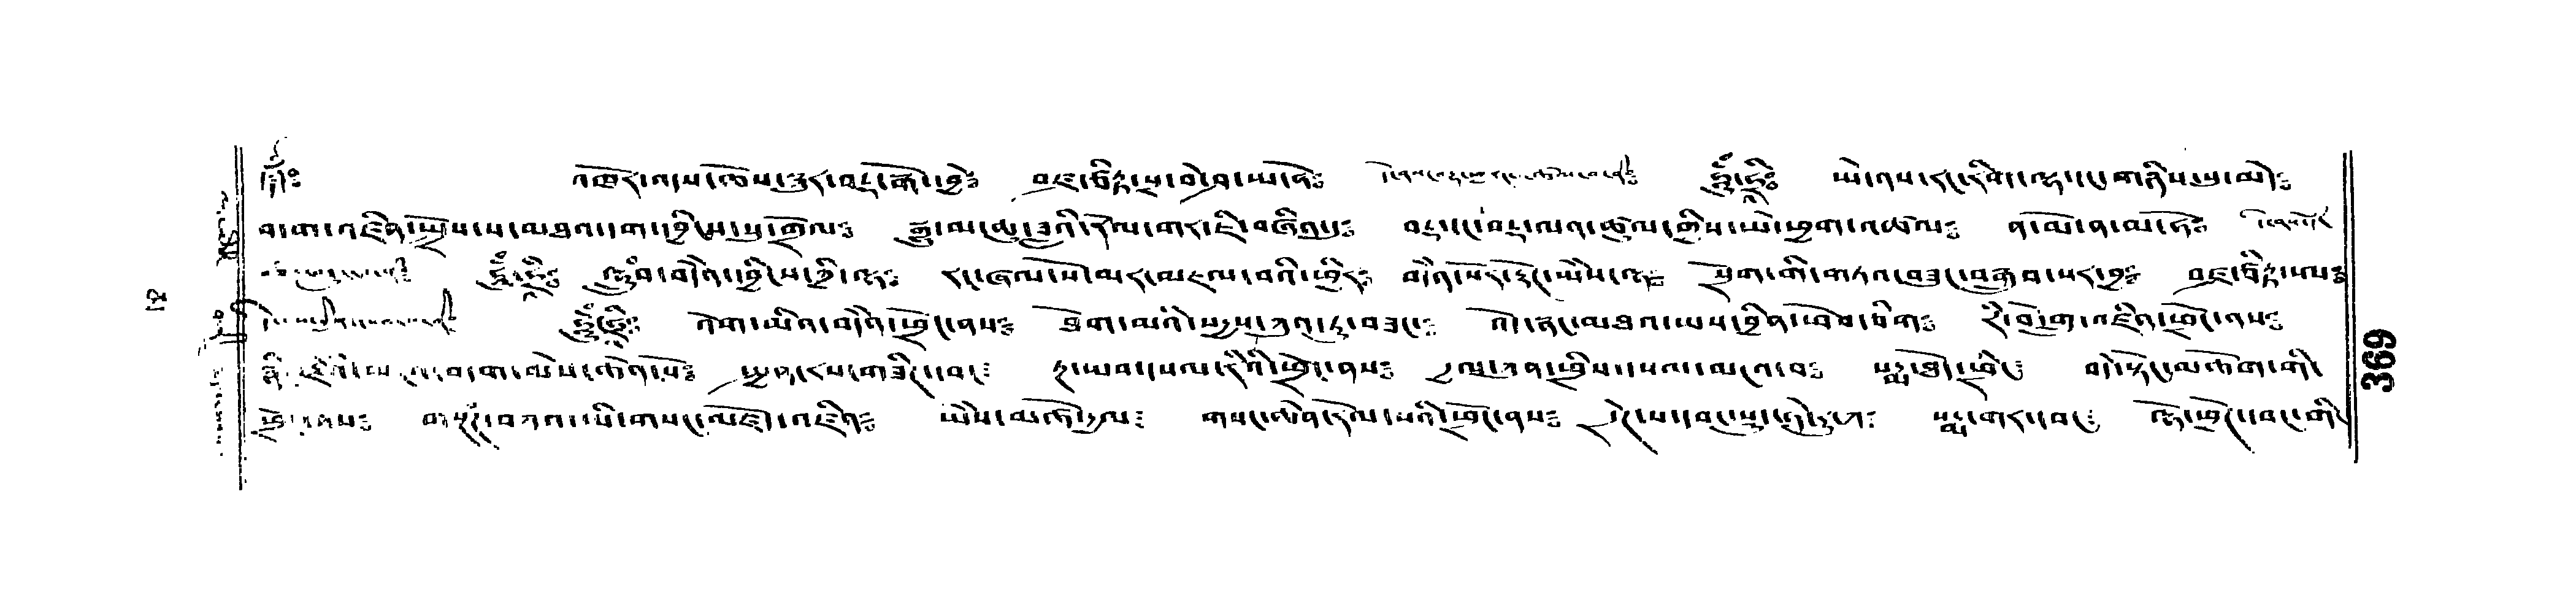འཁོར་འདས་ཆོས་སྐུར་བརྡ་སྒོ་དབྱེ༔ བཛྲ་ཙིཏྟ་པྲ་ཝེ་ཤ་ཡ་ཧོཿ དེ་ནས་བརྡ་ཕྱག་འཚལ་བ་ནི༔ ཧཱུྃ་ཧྲཱིཿ ཡེ་ནས་རང་རིག་ལྷ་དང་གཉིས་སུ་མེད༔ 
བདག་འཛིན་སྤྲོས་པ་མཐའ་དག་དབྱིངས་སུ་གྲོལ༔ སྒྱུ་མ་ཆུ་ཟླའི་རོལ་གར་ཇི་བཞིན་དུ༔ བརྡ་དང་བརྡ་ལན་ཚུལ་གྱིས་ཡེ་ཕྱག་འཚལ༔ ན་མོ་ན་མ་ཧོཿ དེ་ནས་དམ་
བཅའ་བཟུང་བ་ནི༔ ཧཱུྃ་ཧྲཱིཿ ལྷུན་གྲུབ་བདེ་ཆེན་དབྱིངས་ཀྱི་ལྷ༔ རང་ཞལ་སོ་མར་མཇལ་བའི་ཕྱིར༔ བདེ་ཆེན་སོར་རྟོགས་ཡེ་ཤེས་ལྷ༔ སྲོག་གི་གཏར་བཟུང་བསྒྲུབ་པར་བྱ༔ བཛྲ་ཙིཏྟ་ཨཱཿ 
དེ་ནས་བྱིན་དབབ་པ་ནི༔ ཧཱུྃ་ཧྲཱིཿ འོག་མིན་བདེ་ཆེན་ཕོ་བྲང་ནས༔ ཐོག་མའི་སངས་རྒྱས་ཀུན་ཏུ་བཟང༔ འོད་སྣང་མཐའ་ཡས་བྱིན་ཕོབ་ཅིག༔ རི་བོ་གྲུ་འཛིན་ཕོ་བྲང་ནས༔ 
སྙིང་རྗེའི་མངའ་བདག་མེས་ཆེན་པོ༔ སྤྱན་རས་གཟིགས་དབང༴ རྔ་ཡབ་དཔལ་རིའི་ཕོ་བྲང་ནས༔ རྒྱལ་ཀུན་ཕྲིན་ལས་དཔལ་མངའ་བ༔ པདྨ་ཐོད་ཕྲེང༴ བདེ་སྟོང་མཆོག་གི་
ཕོ་བྲང་ནས༔ གསང་སྔགས་བཀའ་ཡི་གསང་མཛོད་འཛིན༔ ཡེ་ཤེས་མཚོ་རྒྱལ༴ གསང་ཆེན་རོལ་པའི་ཕོ་བྲང་ནས༔ དྲེགས་པ་དབང་སྡུད་ཧེ་རུ་ཀ༔ པདྨ་གར་དབང༴ ལྷོ་ཕྱོགས་དབང་གི་